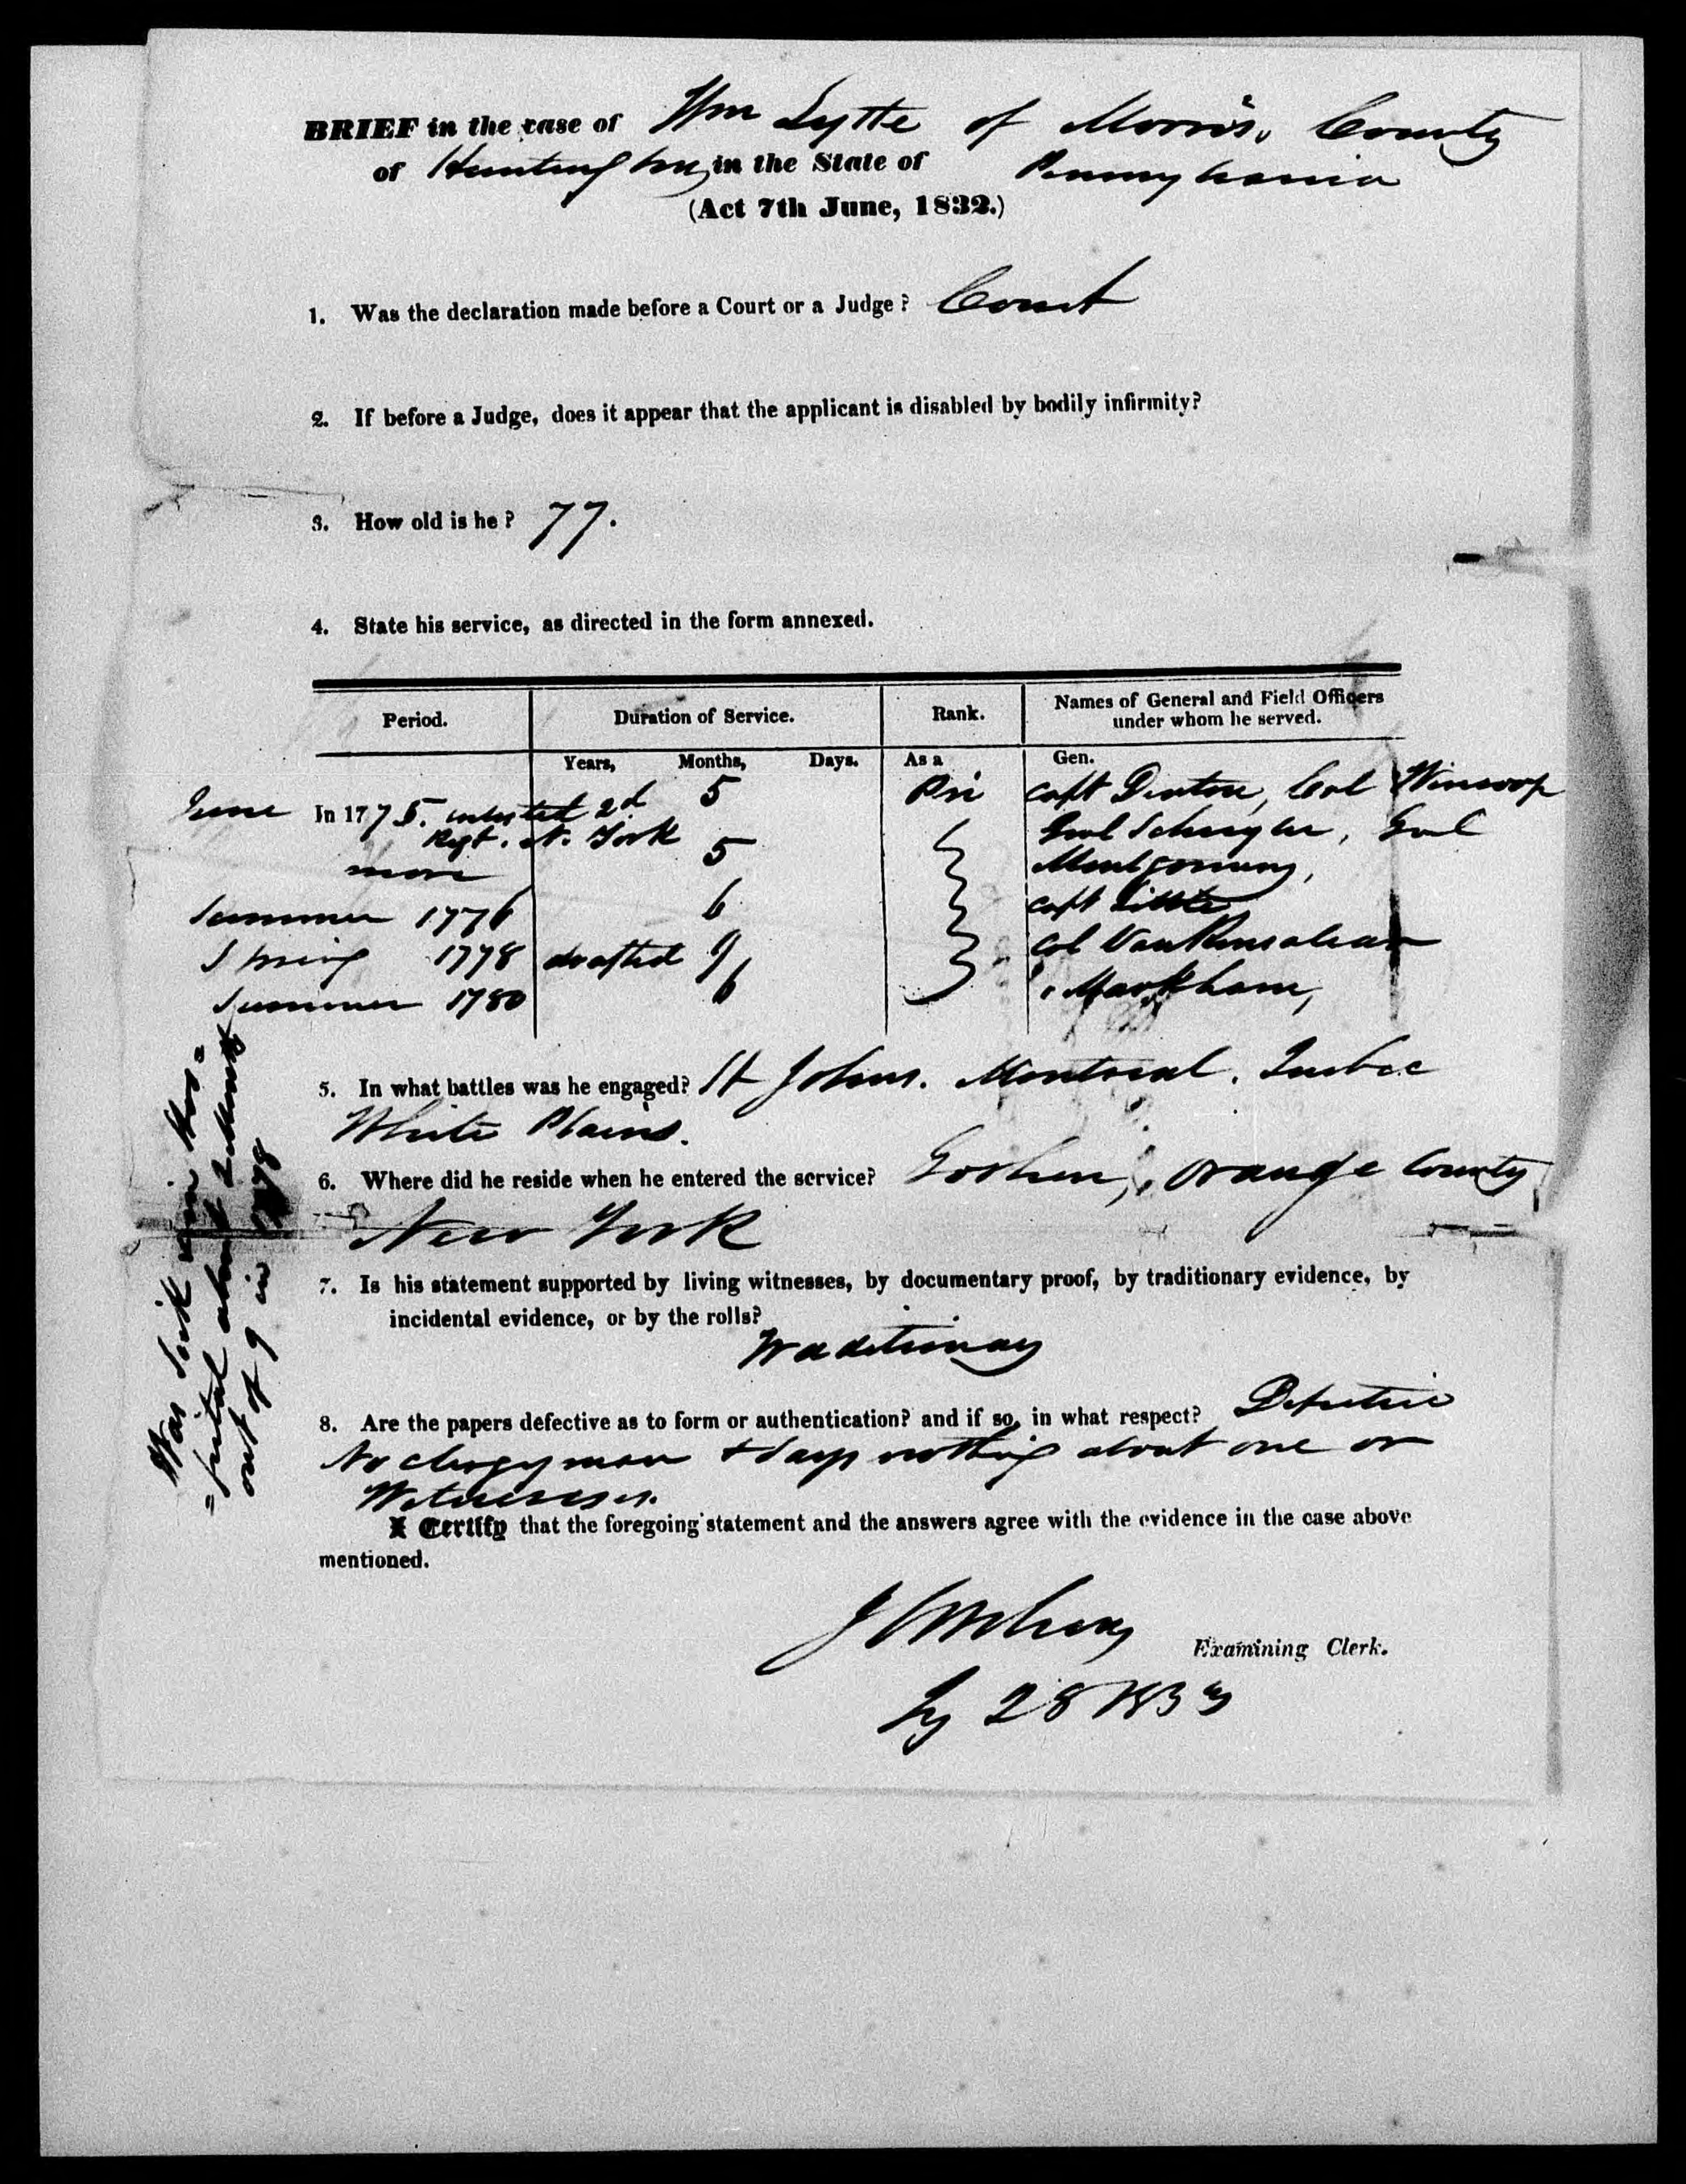BRIEF in the case of Wm Lytle of Morris Co
of Huntington in the State of Pennsylvania
(Act 7th June, 1832.)
Pennsylvania
1. Was the declaration made before a Court or a Judge? Court
2. If before a Judge, does it appear that the applicant is disabled by bodily infirmity?
3. How old is he? 77
4. State his service, as directed in the form annexed.
Period. (1) June in 1775 enlisted 2nd Regt. N.Y.
Duration of Service. 5 months
Rank: As a Pri.
Names of General and Field Officers
under whom he served.: Capt Denton, Col Wynkoop
(2)  more  1775
5 months, Private, Gen. Schuyler, Genl Montgomery
(3) Summer 1776 
6 months, Private
Capt. Little
(4) Spring 1778 - drafted 
9 months, Private
Col. Van Rensselaer
[note in margin:  Was took sick. Hospital about 2 months out of 9 in 1778]
(5)  Summer 1780
 6 months, Private
Col. Markham

5. In what battles was he engaged? St. John, Montreal, Quebec, White Plains
6. Where did he reside when he entered the service? Goshen, Orange County, New York
7.  Is his statement supported by living witnesses, by documentary proof, by traditionary evidence, by incidental evidence, or by the rolls?  Traditionary
8.  Are the papers defective as to form or authentication? and if so in what respect? Defective, no clergyman, & says nothing about one or witnesses
I Certify that the foregoing statement and the answers agree with the evidence in the case above
J. Whiting
Examining Clerk.
by 281833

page: 4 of 24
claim: survivor's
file: S. 13810, for William Lytle, New York